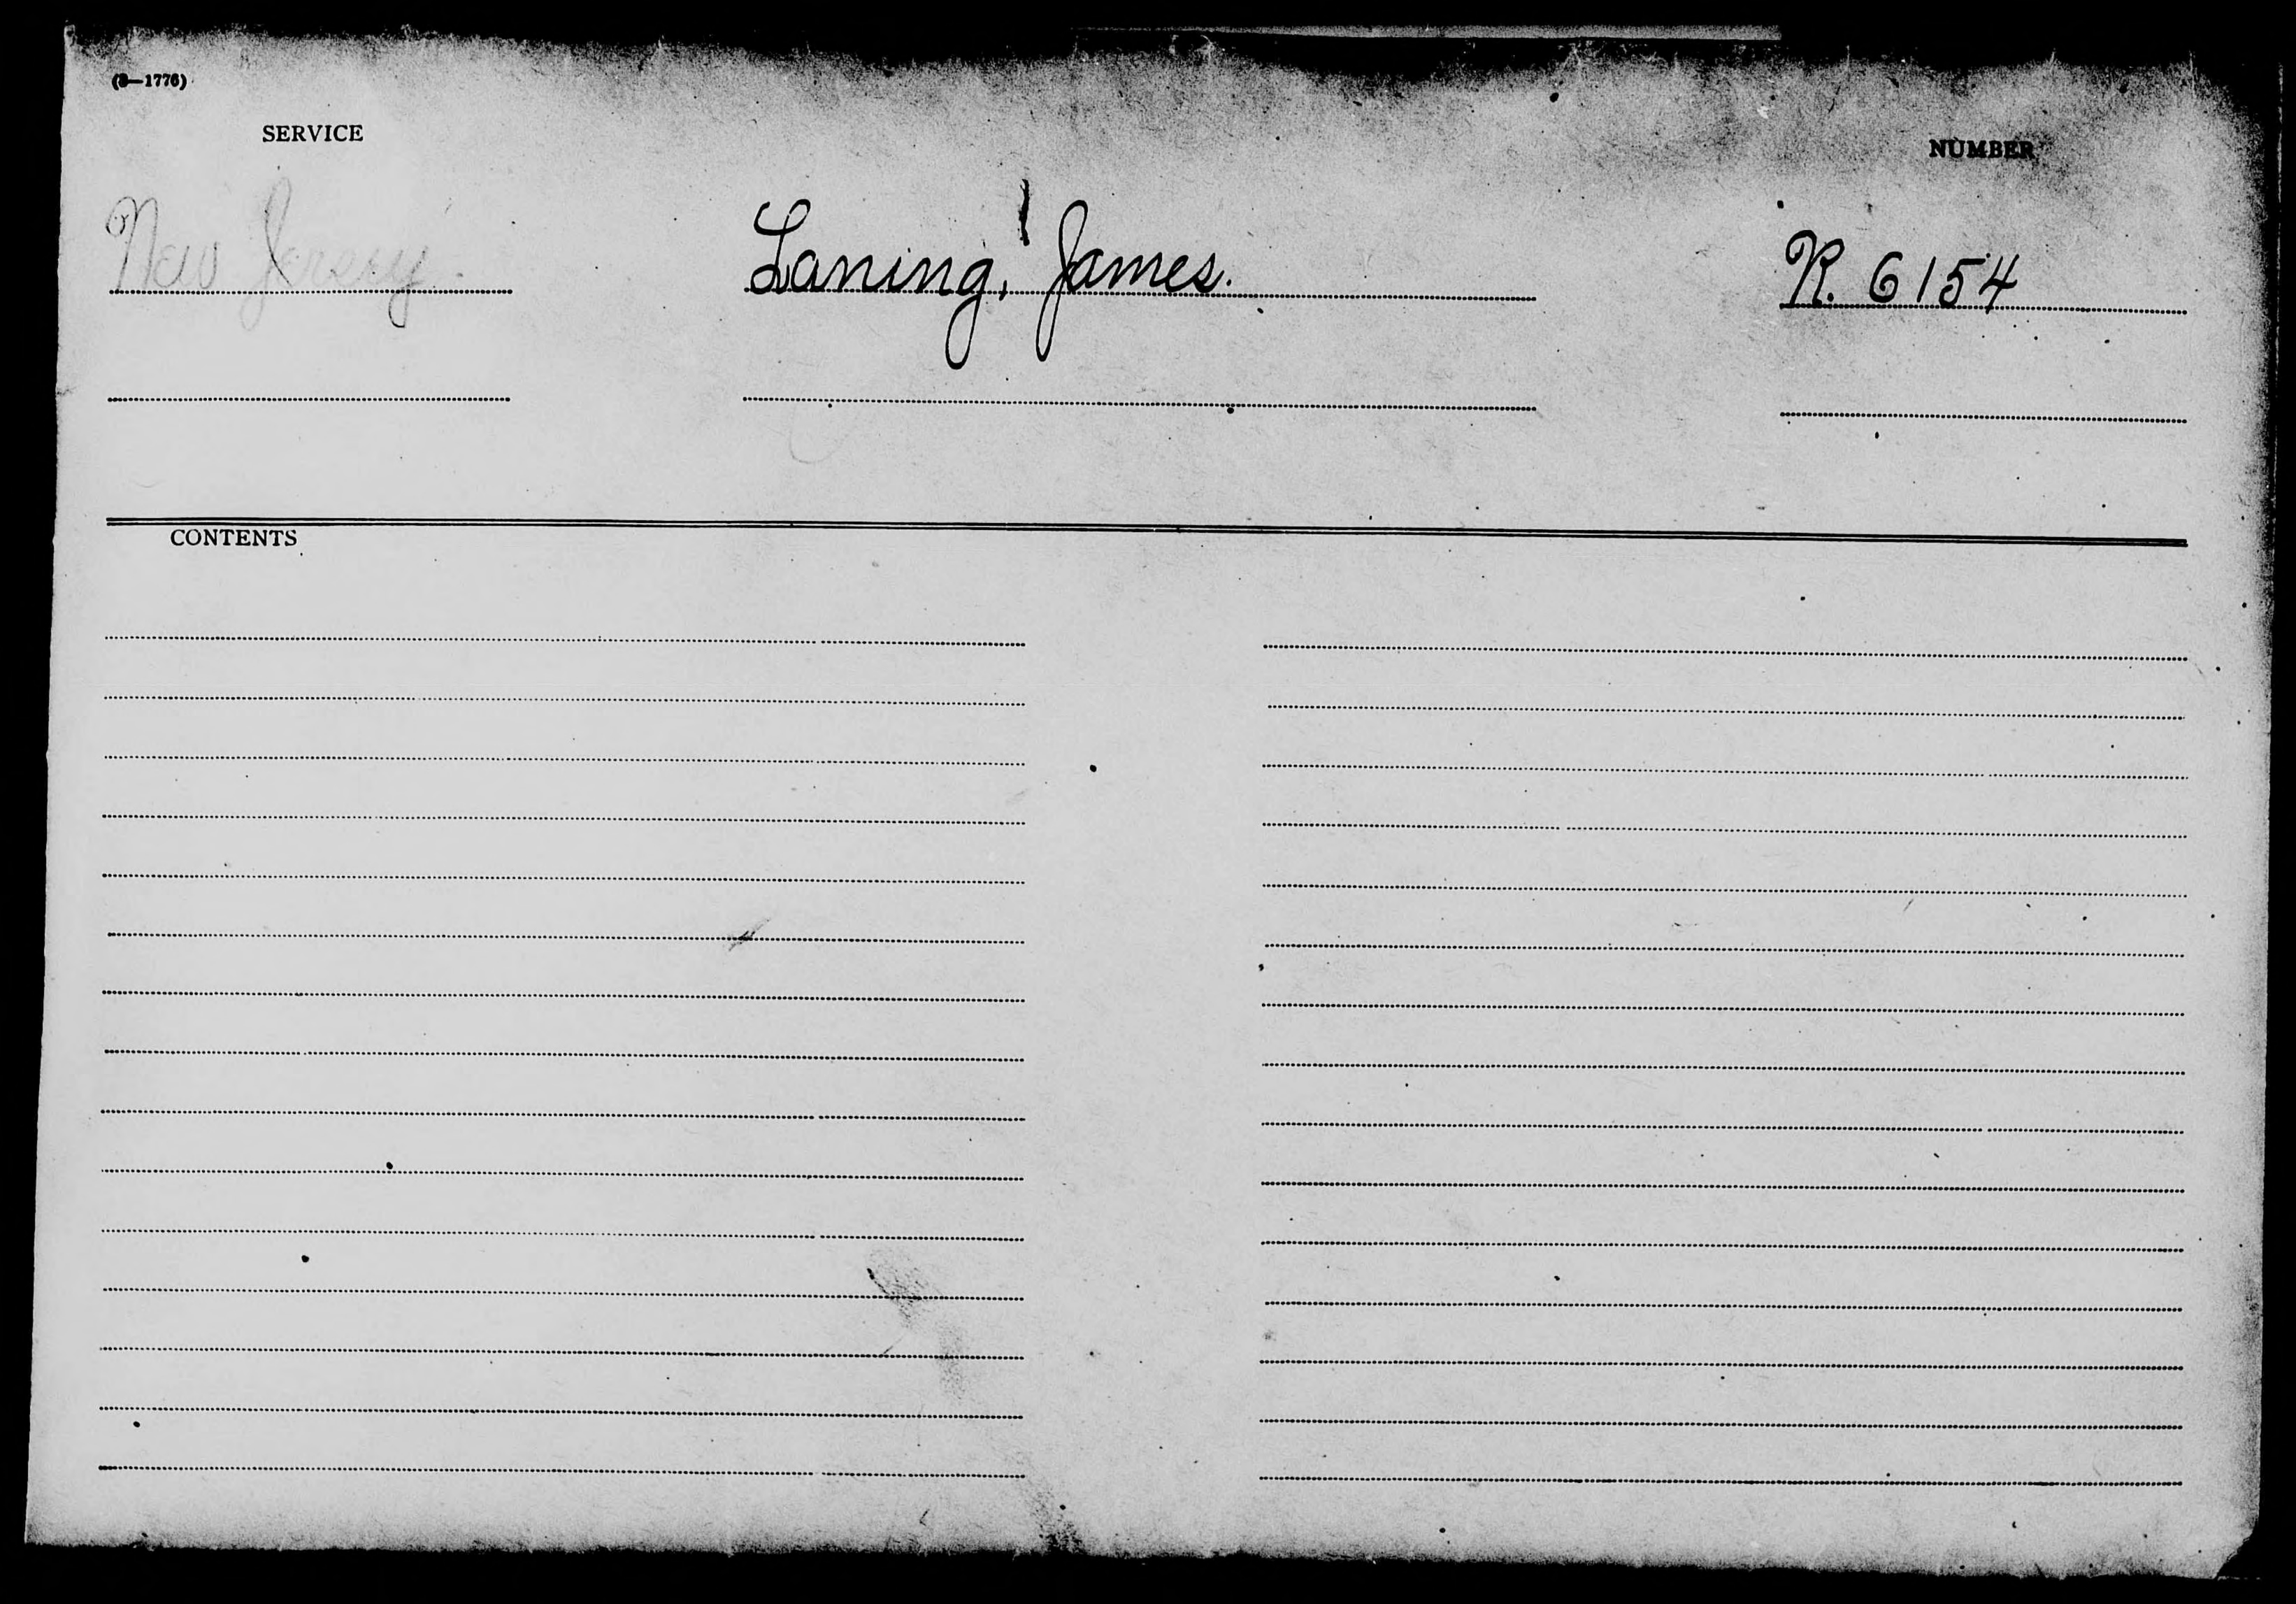(3 - 1776)
SERVICE
New Jersey

Laning, James.
NUMBER
R. 6154

CONTENTS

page: 1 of 39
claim: rejected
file: R. 6154, for James Laning, New Jersey